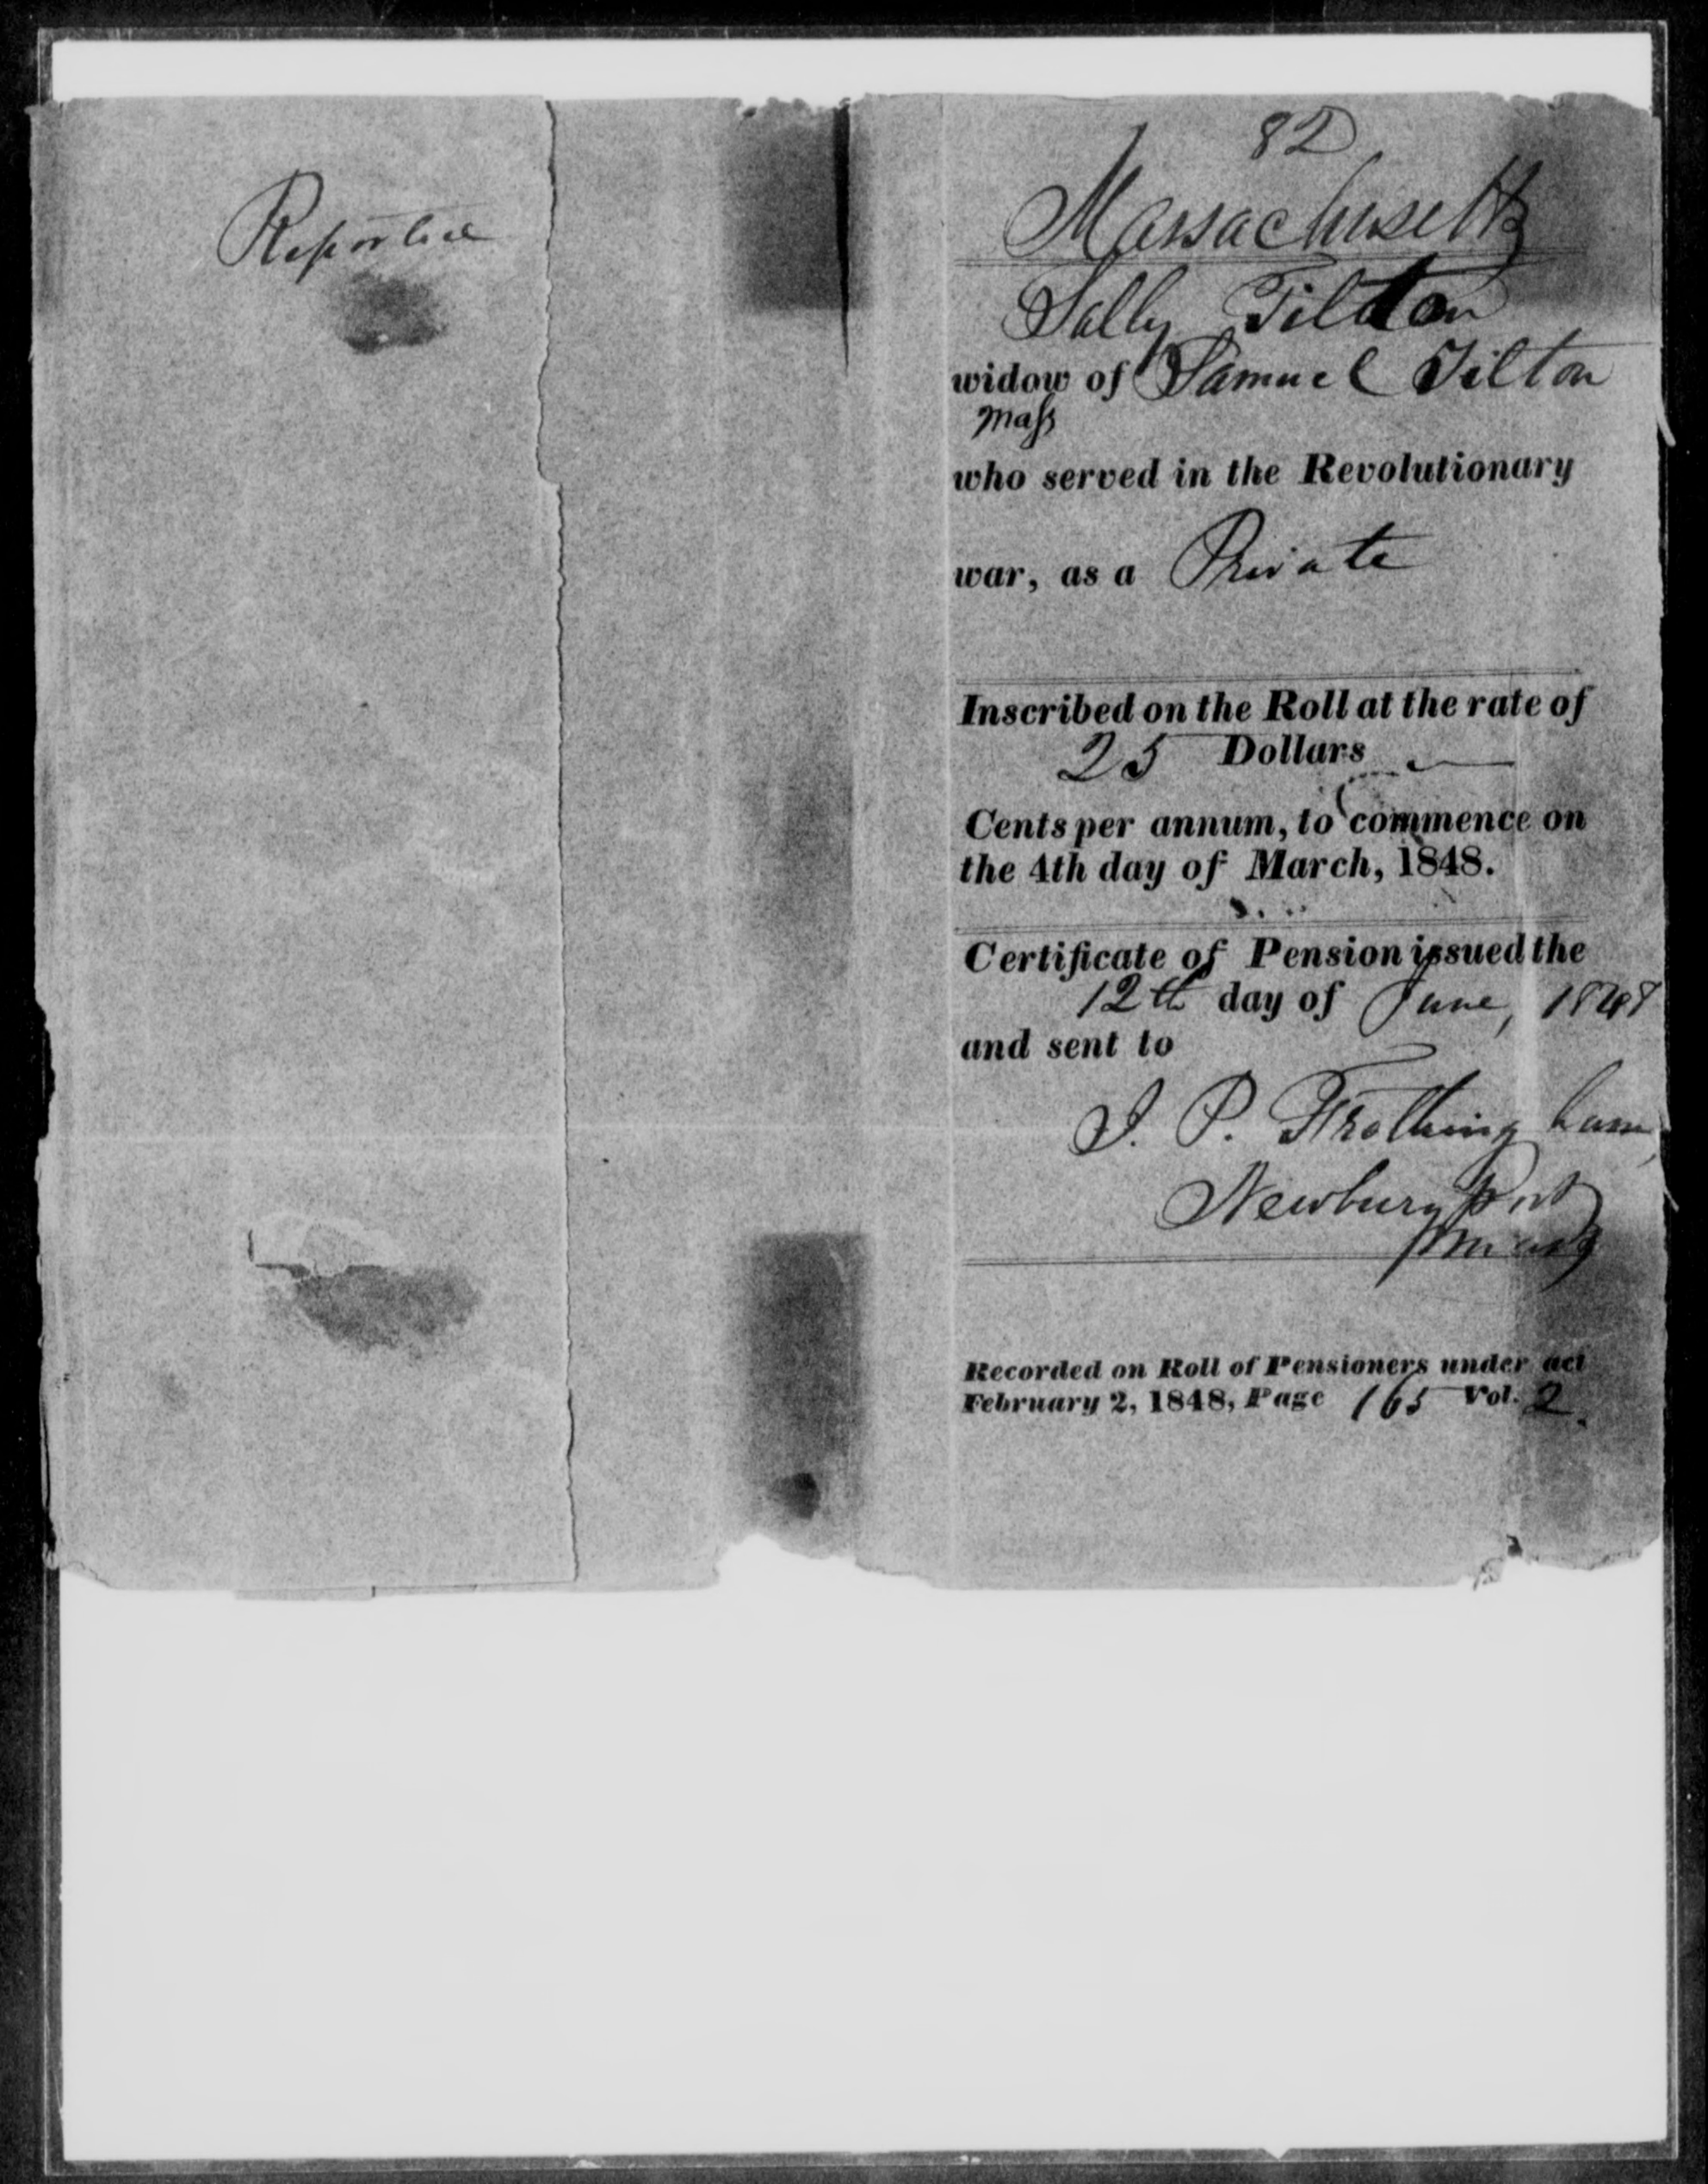Reported
82
Massachusetts
Sally Tilton widow of Samuel Tilton, Mass. who served in the Revolutionary War, as a Private.

Inscribed on the Roll at the rate of 25 dollars [blank] cents per annum, to commence on the 4th day of March, 1848.

Certificate of Pension issued the 12th day of June, 1848 and sent to J. P. Frothingham, Newbury Port Mass

Recorded on Roll of Pensioners under act February 2, 1848 Page 165 Vol. 2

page: 3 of 55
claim: widow's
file: W. 14,021, for Samuel Tilton, New Hampshire